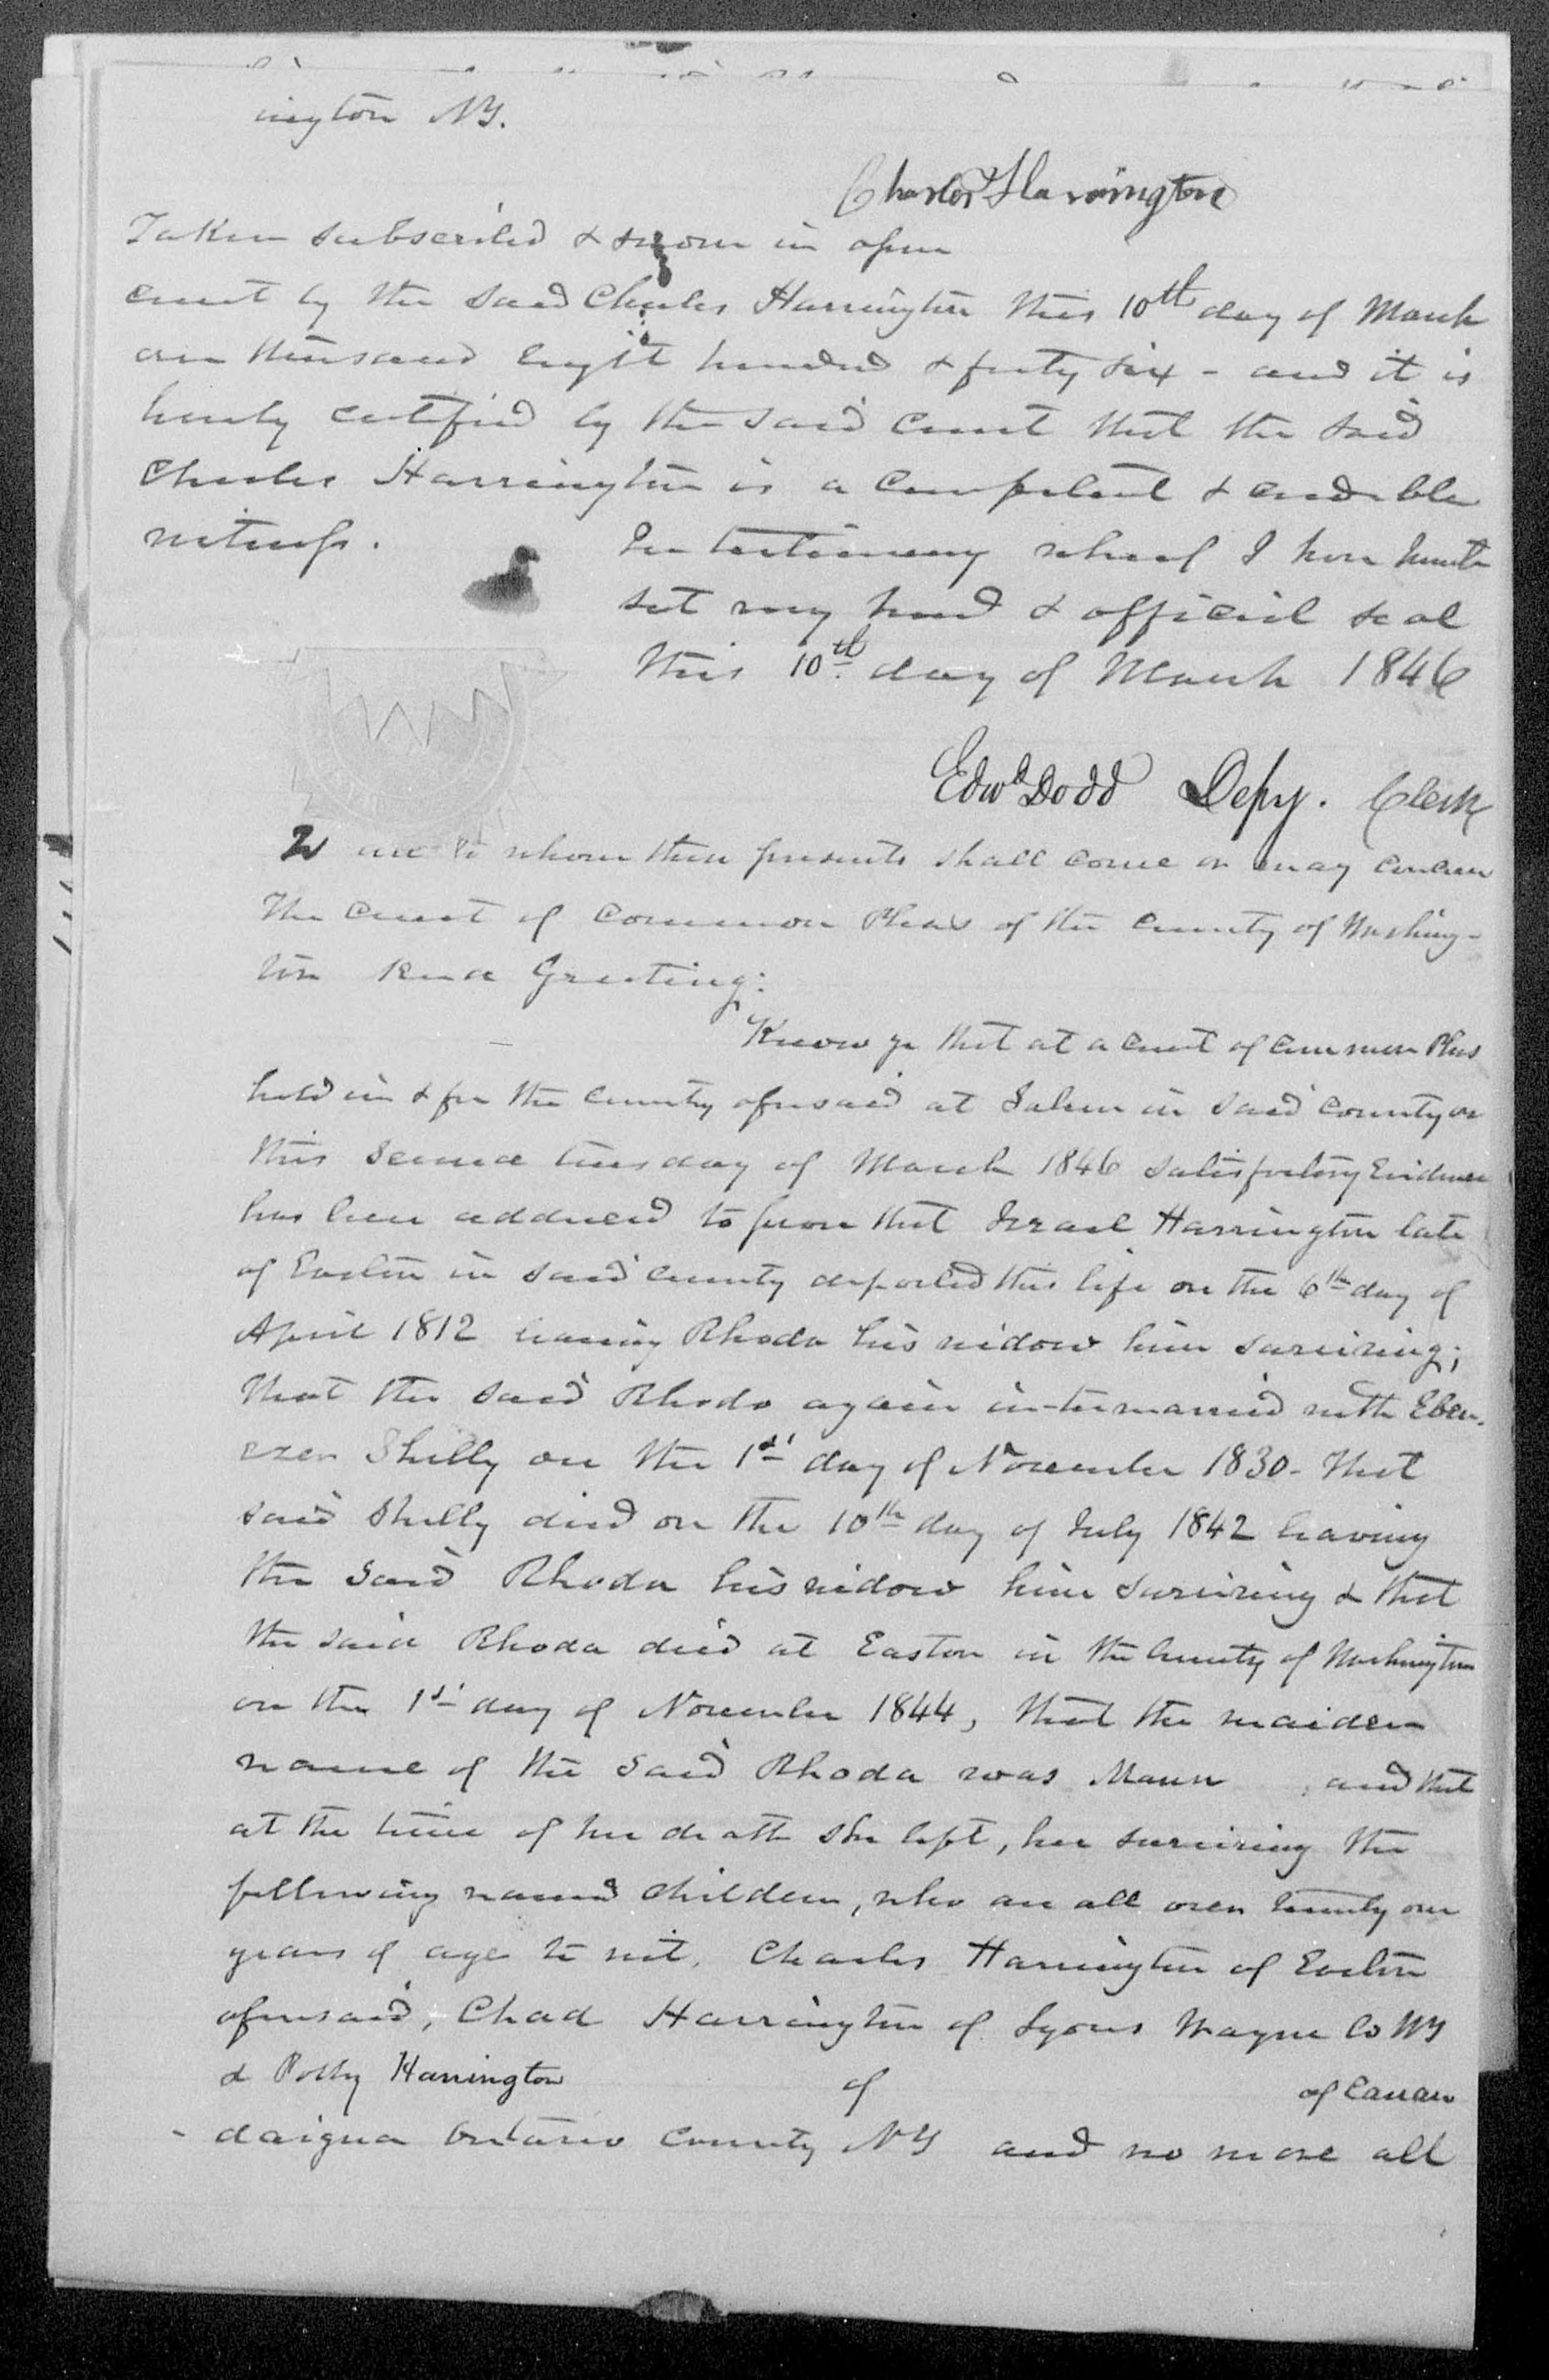ington NY
Charles Harrington


Taken subscribed & sworn in open Court by the said Charles Harrington this 10th day of March one thousand eight hundred & forty six - and it is verily certified by the said Court that the said Charles Harrington is a competent & credible witness.

In testimony whereof I have hereunto set my hand & official seal this 10th day of March 1846
Edwd Dodd Depy. Clerk

[illegible] whence these presents shall come on may concur the Court of Common Pleas of the County of Washington hence Greeting:

Know you that at a Court of Common Pleas held in & for the County aforesaid at Salem in said County on this second Tuesday of March 1846 satisfactory Evidence has been addressed to prove that Israel Harrington late
of Easton in said county departed his life on the 6th day of April 1812 leaving Rhoda his widow him surviving; 
that the said Rhoda again intermarried with Ebenezer Shelly on the 1st day of November 1830, that said Shelly died on the 10th day of July 1842 leaving the said Rhoda his widow him surviving & that the said Rhoda died at Easton in the County of Washington on the 1st day of November 1844, that the maiden name of the said Rhoda was Mann, and that at the time of her death she left, her surviving the following named children, who are all over seventy one years of age [illegible] not, Charles Harrington of Easton aforesaid, Chad Harrington of Lyons Wayne Co NY & Polly Harrington of of Canandaigua Ontario County NY and no more all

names: Edwd Dodd, Ebenezer Shelly, Charles Harrington, Rhoda, Chad Harrington, Rhoda, Polly Harrington, Rhoda, Mann, Shelly, Rhoda, Charles Harrington, Rhoda, Charles Harrington, Israel Harrington, Charles Harrington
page: 26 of 51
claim: widow's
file: W. 19,026, Israel Harrington, R.I.